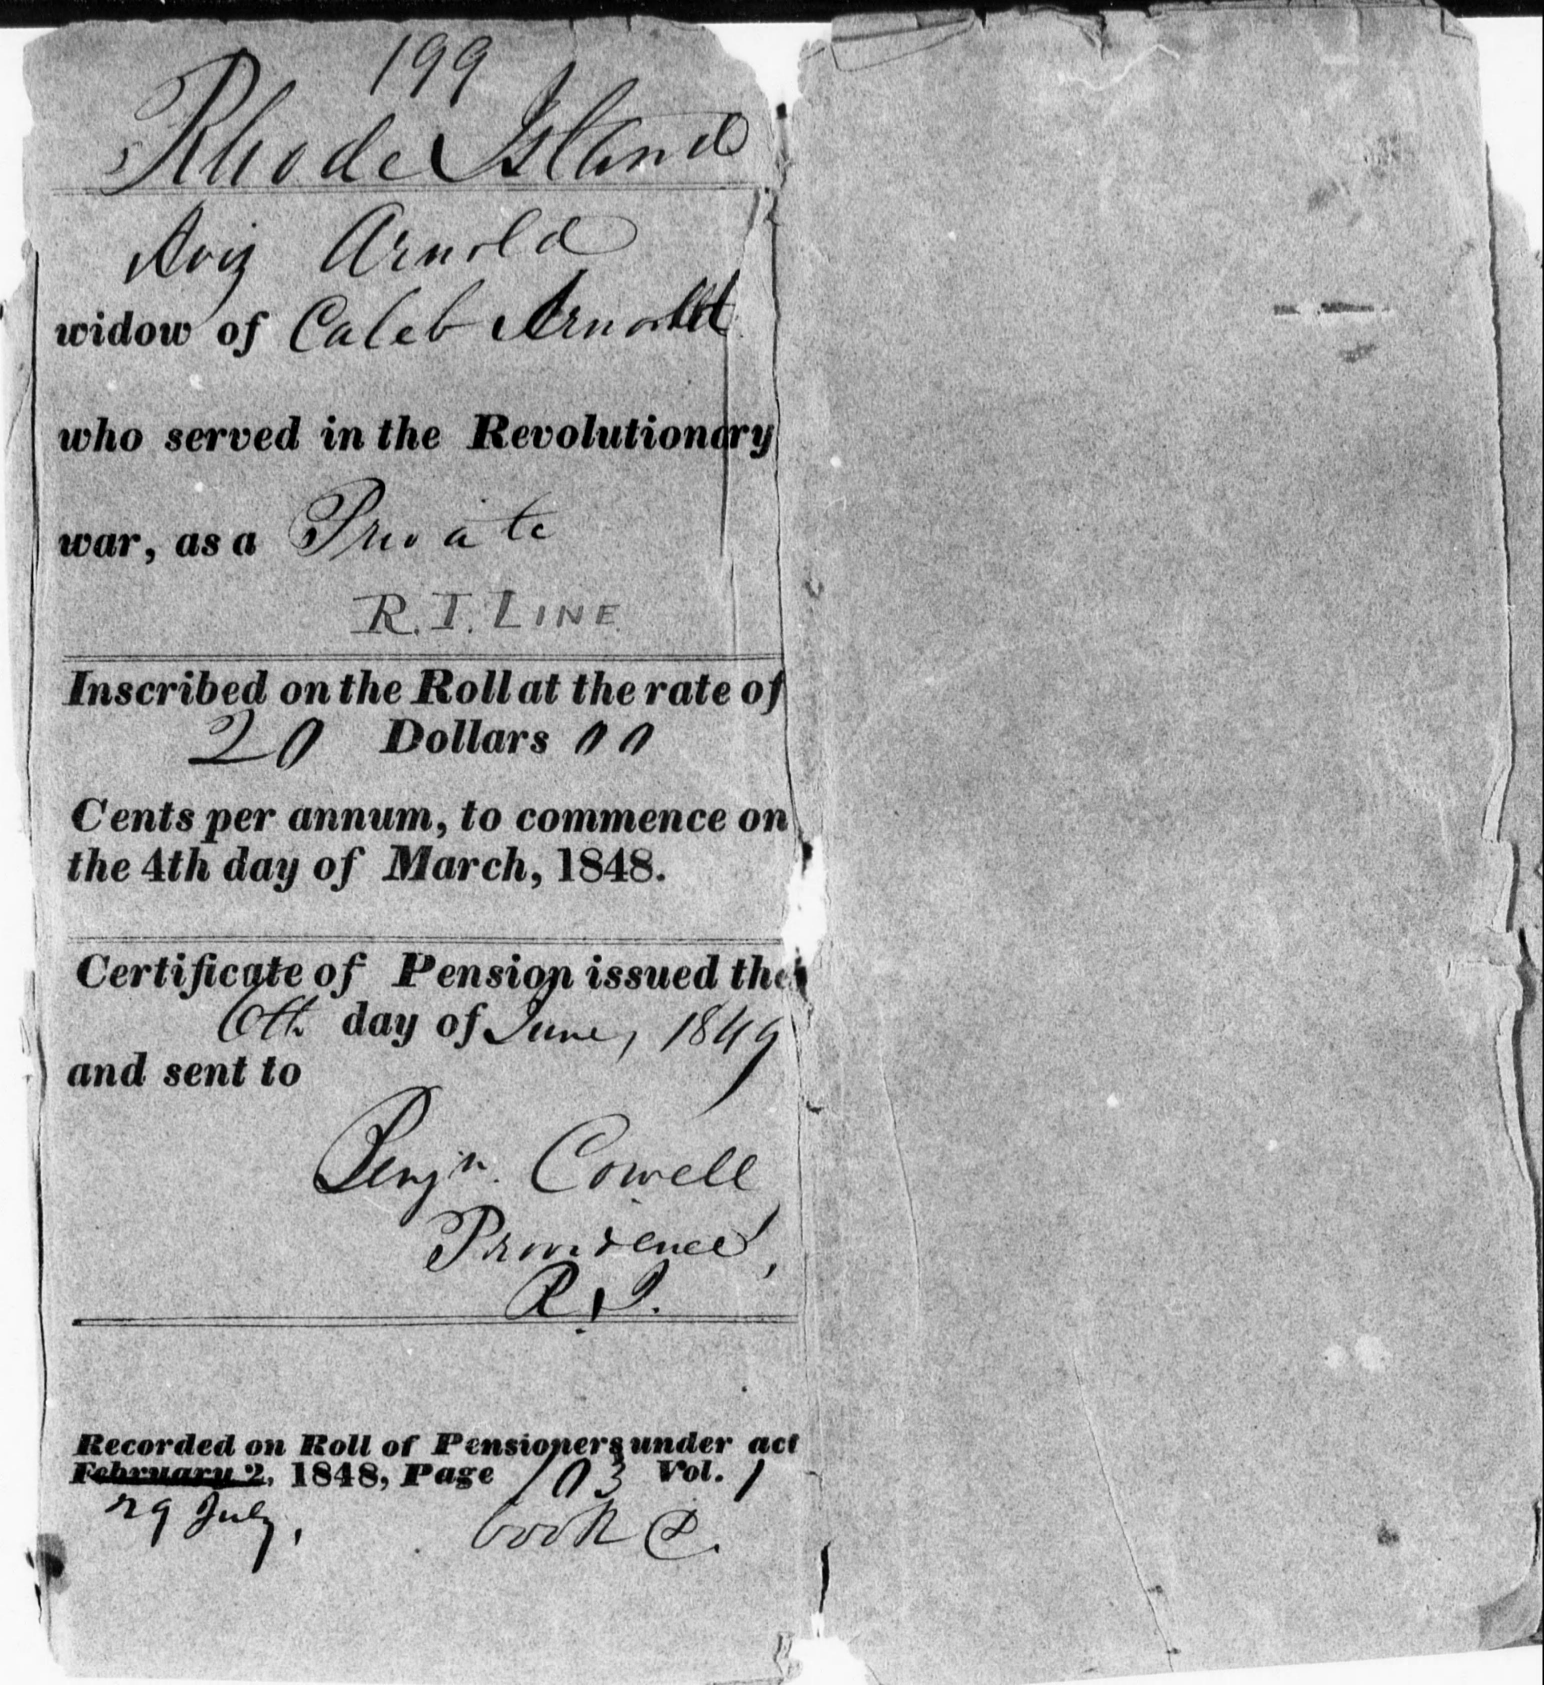199
Rhode Island
Avis Arnold widow of Caleb Arnold who served in the Revolutionary war, as a Private 
R. I. Line
Inscribed on the Roll at the rate of 20 Dollars 00 Cents per annum, to commence on the 4th day of March, 1848.
Certificate of Pension issued the 6th day of June, 1849 and sent to Benjn Cowell Providence R.I.
Recorded on Roll of Pensioners under act [lined through] February 2 [illegible] July, 1848, Page 103 Vol. 1
[illegible]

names: Caleb Arnold, Benjn Cowell, Avis Arnold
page: 7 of 29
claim: widow's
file: W. 2582, Caleb Arnold, R.I.